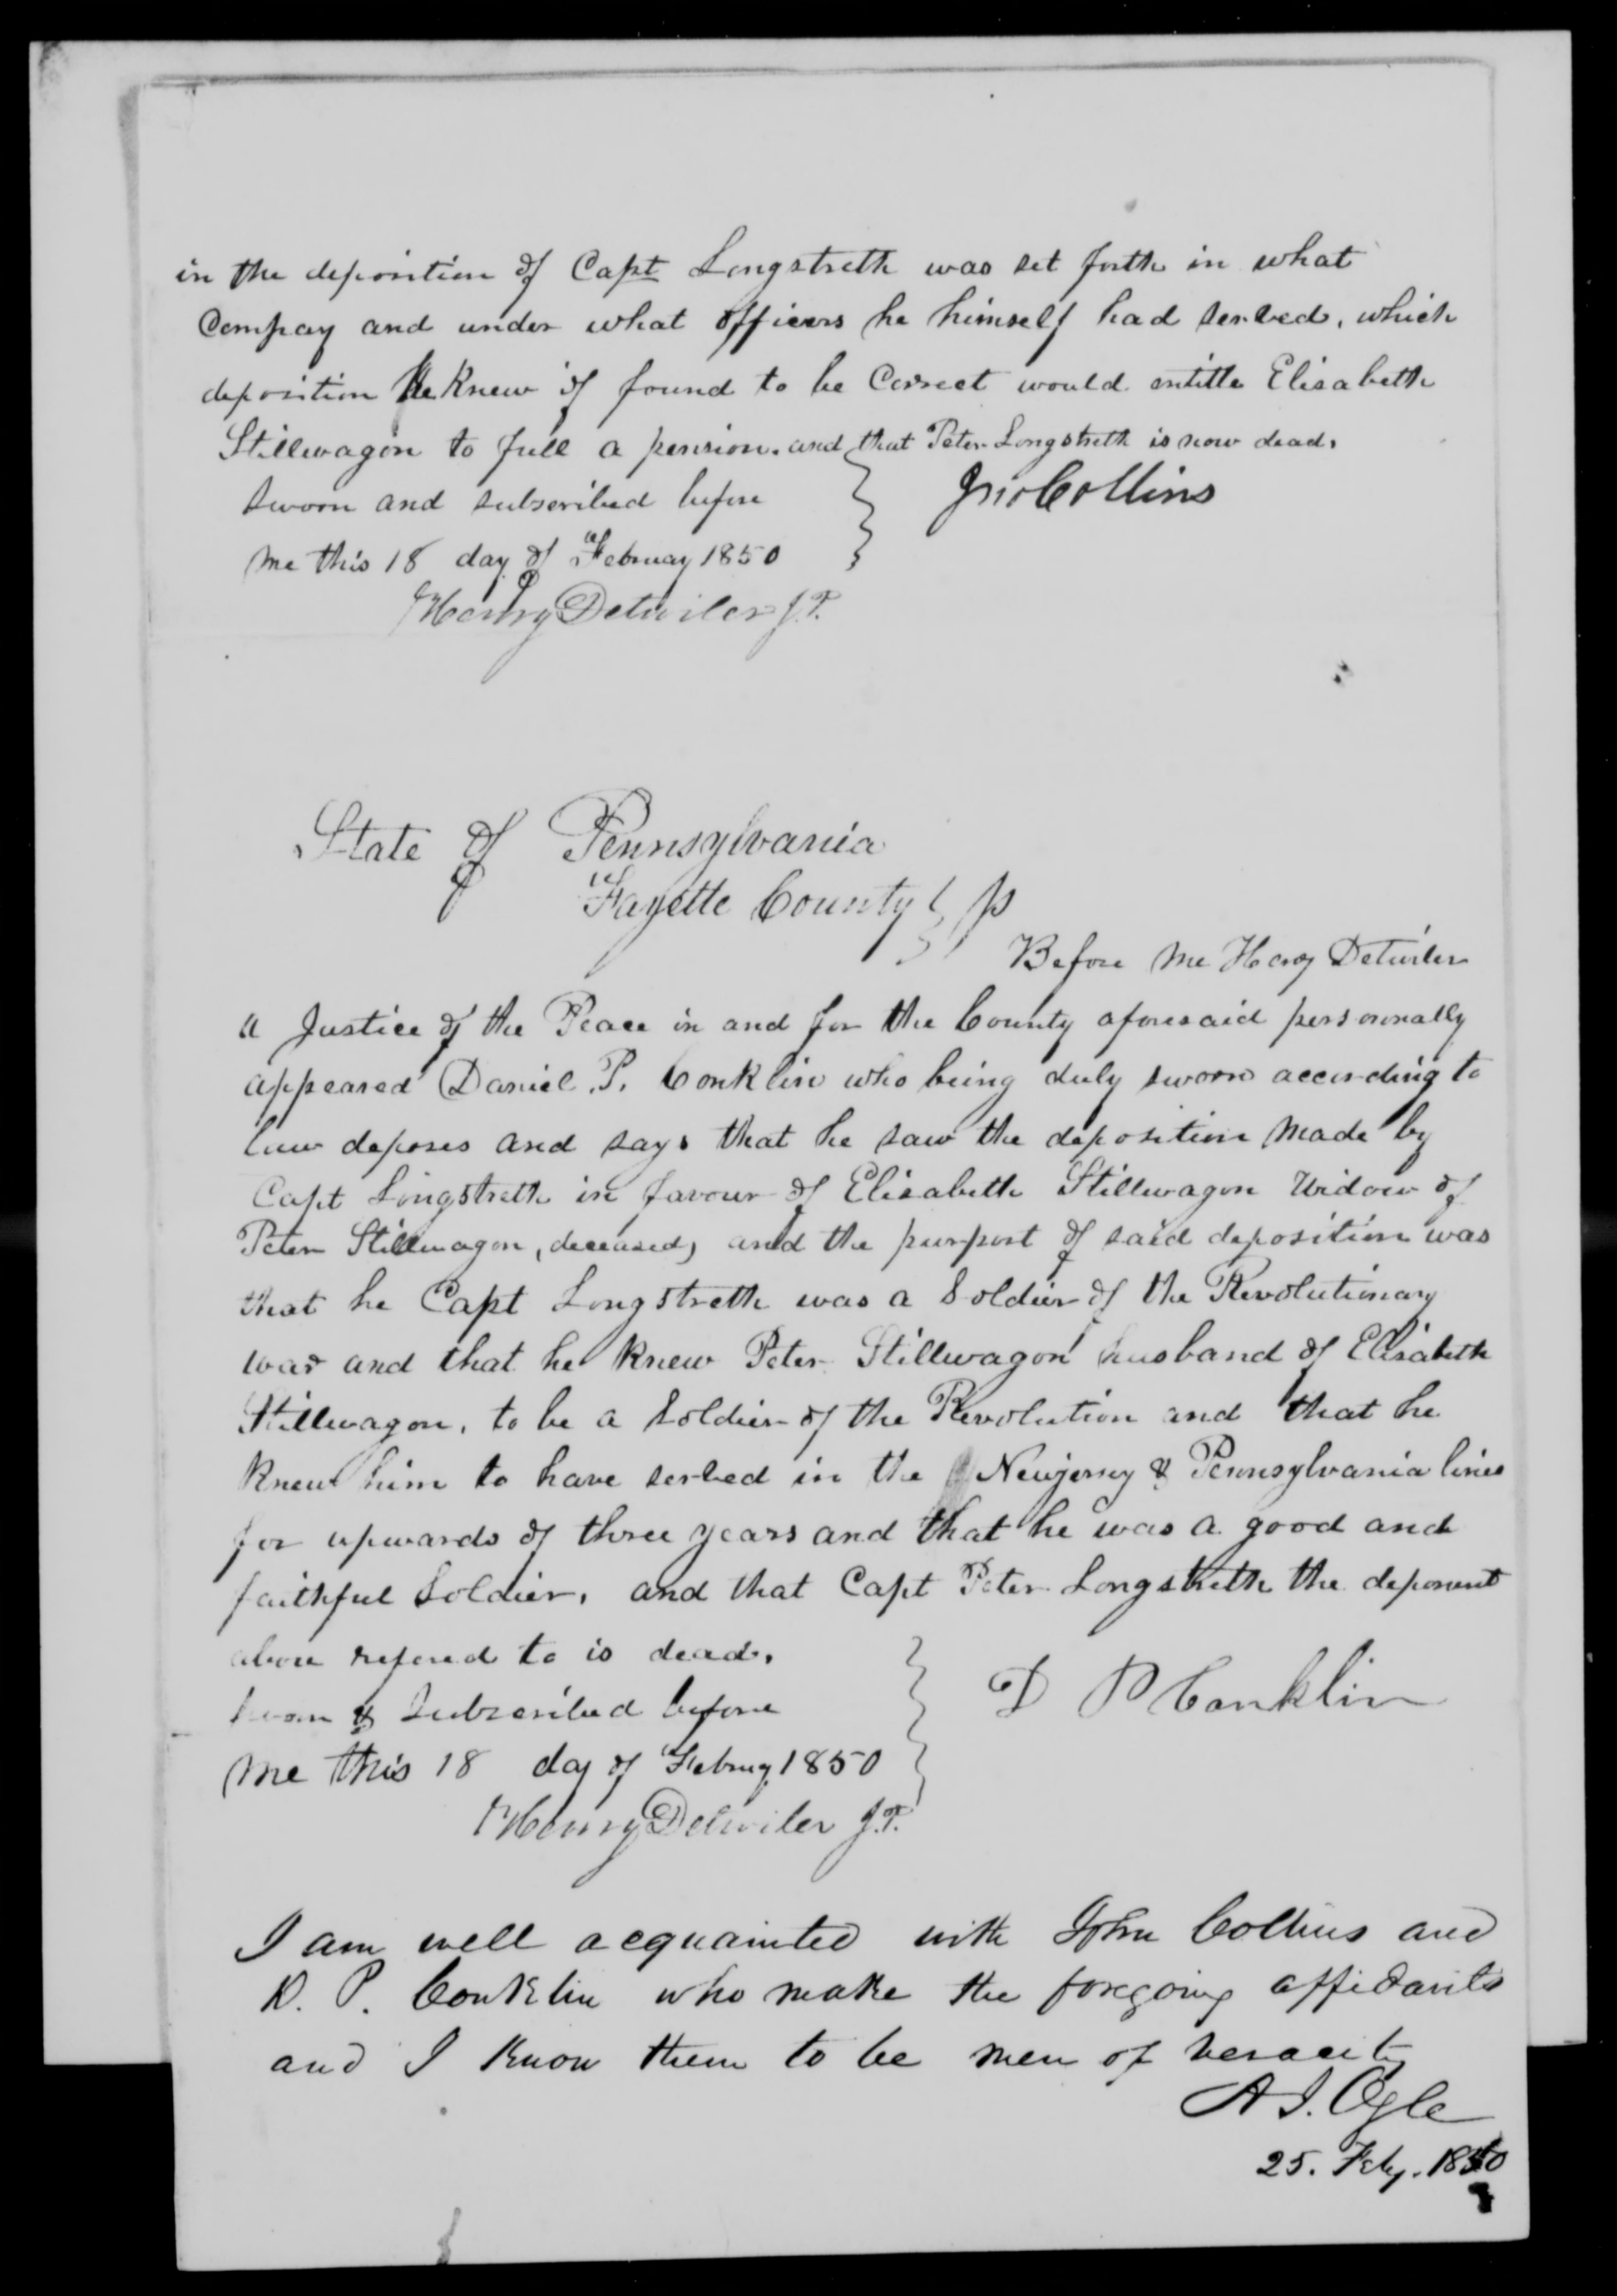In the deposition of Capt Longstreth was set forth in what company, and under what officers he himself had served, which deposition he knew of found to be correct, would entitle Elisabeth Stillwagon to a full pension, and that Peter Longstreth is now dead.

Sworn and subscribed before me this 18 day of February 1850		 Jno Collins
[illegible first name] Detwiler JP

State of Pennsylvania
Fayette County

Before me, Henry Detwiler, a justice of the peace in and for the County for said, personally appeared Daniel P. Conklin, who, being duly sworn, according to law deposes, and says that he saw the depositions made by Capt Longstreth in favor of Elisabeth Stillwagon, widow of Peter Stillwagon, deceased, and the [illegible] of said deposition was that he Capt Longstreth was a Soldier of the Revolutionary War, and that he knew Peter Stillwagon, husband of Elisabeth Stillwagon, to be a Soldier of the Revolution, and that he knew him to have served in the New Jersey and Pennsylvania lines for upwards of three years, and that he was a good and faithful soldier, and that Capt Peter Longstreth, that deponent above referred to is dead. Sworn in subscribed before me this 18 day of February 1850    Henry Detwiler, JP.

D. P. Conklin

I am well acquainted with John Collins, and D. P. Conklin who made the foregoing affidavits and I know them to be men of veracity. 

A. J. Ogle, 25 February 1850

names: Elisabeth Stillwagon; A J Ogle; Henry Detwiler; Peter Stillwagon; Daniel P Conklin; Jno Collins; Elisabeth Stillwagon; Peter Longstreth; [BLANK] Longstreth; [BLANK] Longstreth; D P Conklin; [BLANK] Longstreth; D P Conklin; Elisabeth Stillwagon; Henry Detwiler; Peter Stillwagon; John Collins; Peter Longstreth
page: 70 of 73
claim: widow's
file: W. 3197, for Peter Stillwagon, New Jersey